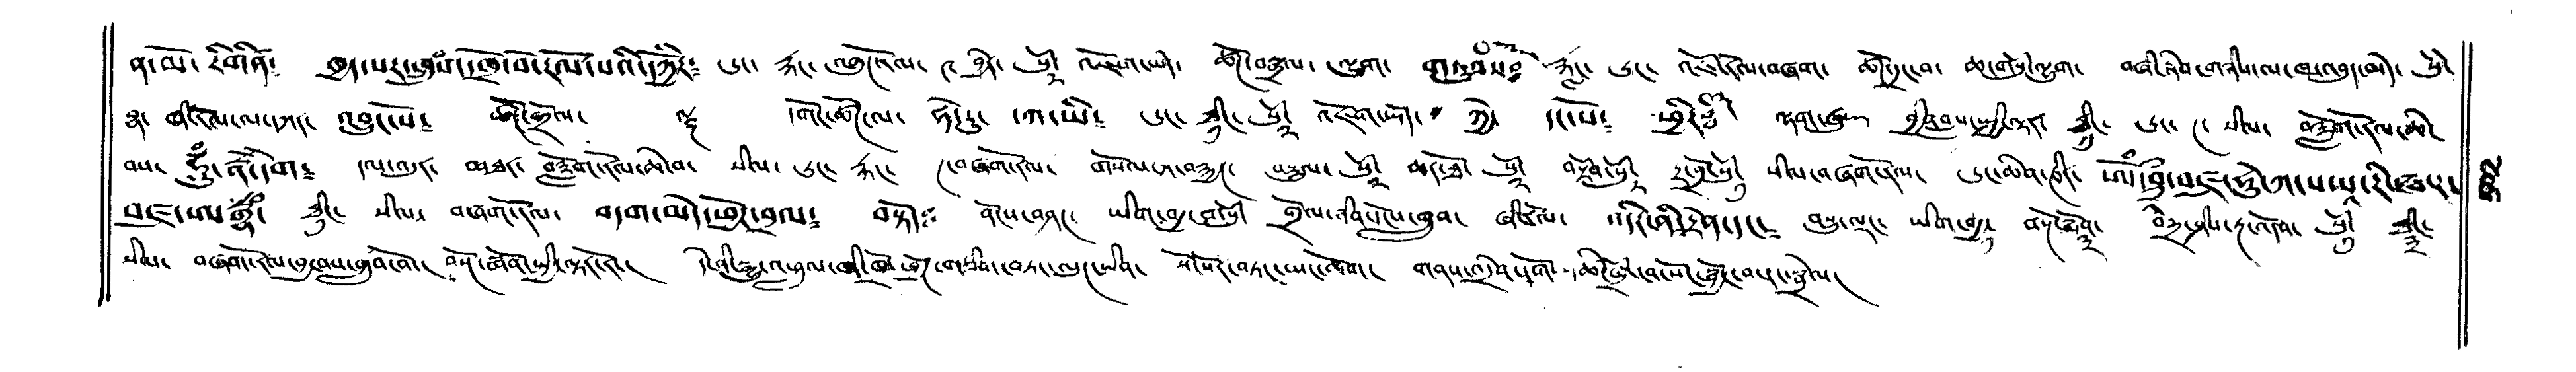ན་མོ། རིག་འཛིན༴ ཁྱད་པར་ཁྲག་འཐུང་ཁྲོ་བོ་རོལ་པའི་དཀྱིལ་འཁོར༴ དུང་། རྐང་། འགུགས་རོལ་དགུ། བྱེར། སུམ་གཉིས། འཇོག་མེད། ཚོགས་བསྒྲལ། ལྷུག གཏུབས༔ རྐང་བཞི། དུང་། འཇམ་རོལ་བཞག ཚོགས་དྲང་བ། ཆ་གསུམ་ལྷུག བཞི་རྡེབ་གཉིས་ལ་ཁ་འབུད་མེད། སུམ་
བྷ༴ ཞི་རོལ་ལ་དཀར། འབྱུང་པོ༴ ཚོགས་གྲོལ། ༈ དགོང་ཚོགས་ལ། ཧེ་རུ་ཀ་ཡི༴ དུང་། ཐིང་གཅིག སུམ་གསུམ། འཇོག་ཡོད། ཀྱེ། དང་པོ༴ ཕྱིར༔ ལྷག་ཞུས། བྱིན་རླབས་སྤྱི་ལྟར། ཐིང་གཅིག དུང་། ཌཱ། སིལ། བཟློག་རོལ་ཆེ་
བས། ཧཱུྃ། རྣམ་དག༴ དལ་འདུར། མཐར། བཟློག་རོལ་ཆེ་བ། སིལ། དུང་། རྐང་། རྔ་བཞག་རོལ། གསོལ་ཀ་བཀྱགས། བསྐུལ། སུམ་གཉིས། ཆད་ཐོ་སུམ་གཉིས། བརྟན་མ་སུམ་གཉིས། རྟ་བྲོ་སུམ་གཅིག བསིལ། བཞག་རོལ། དུང་ཆེན་ཎིར། ཨོཾ་ཤྲཱྀ་བཛྲ་ཧེ་རུ་ཀ་ས་པཱ་རི་ཝ་ར་
བཛྲ་ཨརྒྷཾ༴ ཐིང་གཅིག སིལ། བཞག་རོལ། བདག་མེད་ཕྱོགས་བྲལ༴ བསྟོད༔ ནོངས་བཤགས། ཡིག་བརྒྱ་གསུམ། གྲོལ་ཉིན་དང་པོ་གྲུབ། ཞི་རོལ། འདིར་ནི་རྟེན་དང༴ བསྡུ་ལྡང་། ཡིག་བརྒྱ་གཅིག བསྔོ་སྨོན་གསུམ། བཀྲ་ཤིས་རྔ་འདོན། སུམ་གཅིག ཐིང་གསུམ། 
སིལ། བཞག་རོལ་བྱ་བས་གྲུབ་བོ། བསྔོ་སྨོན་སྤྱི་ལྟར་རོ། །དེ་ནི་སྒྱུ་འཕྲུལ་ཞི་ཁྲོ་ཕྱོགས་གཅིག་གཏོང་ལུགས་ཡིན། སོ་སོར་བཏང་ཡང་ཆོག གནས་འདྲེན་དགོས་ཚེ་ཞི་ཁྲོ་ངན་སོང་སྦྱོང་བ་དང་སྦྲེལ།། དགེའོ།།